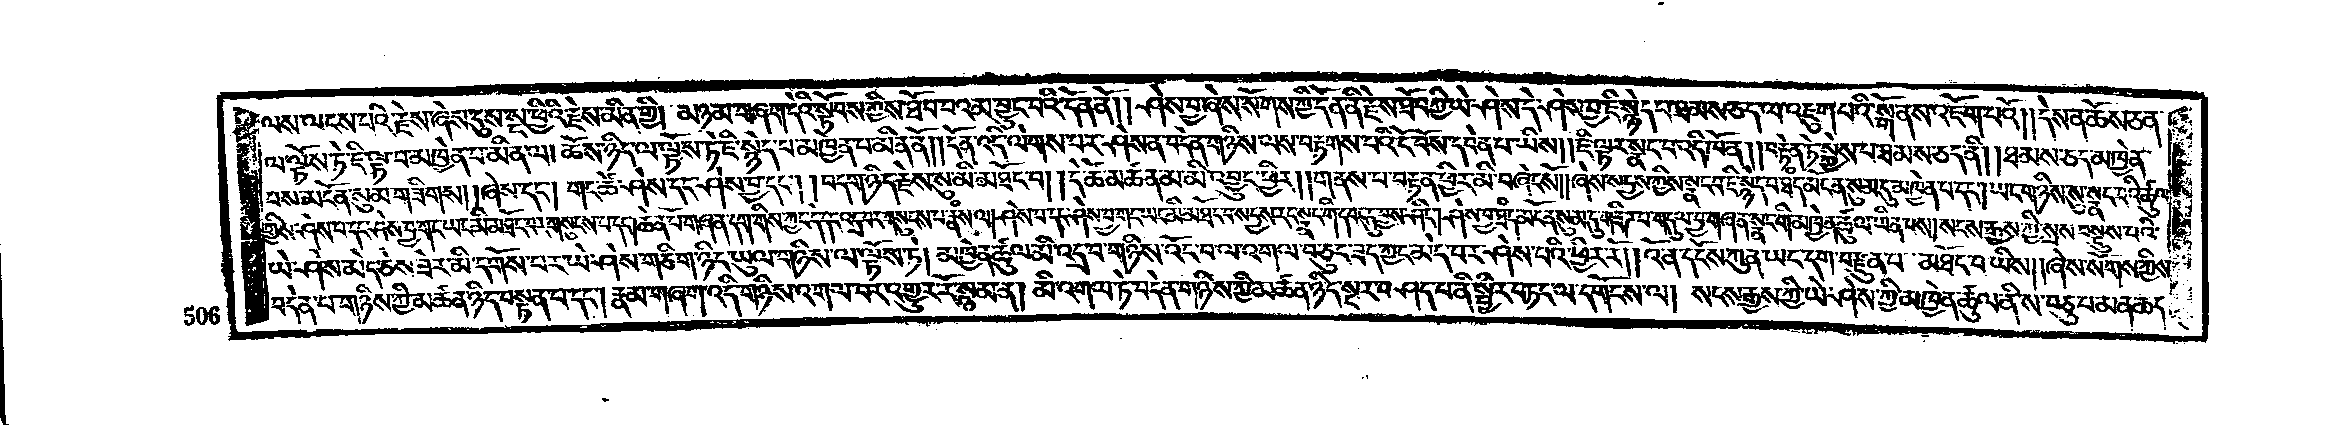ལས་ལངས་པའི་རྗེས་ཞེས་དུས་སྔ་ཕྱིའི་རྗེས་མིན་གྱི། མཉམ་གཞག་དེའི་སྟོབས་ཀྱིས་ཐོབ་པའམ་བྱུང་བའི་དོན་ནོ། །ཤེས་བྱ་ཞེས་སོགས་ཀྱི་དོན་ནི་རྗེས་ཐོབ་ཀྱི་ཡེ་དེ་ཤེས་བྱ་ཇི་སྙེད་པ་ཐམས་ཅད་ལ་འཇུག་པའི་སྒོ་ནས་འཇོག་པའོ། །དེས་ན་ཆོས་ཅན་
ལ་ལྟོས་ཏེ་ཇི་ལྟ་བ་མཁྱེན་པ་མིན་ལ། ཆོས་ཉིད་ལ་ལྟོས་ཏེ་ཇི་སྙེད་པ་མཁྱེན་པ་མིན་ནོ། །དོན་འདི་ལེགས་པར་ཤེས་ན་བདེན་གཉིས་ལས་བརྟགས་པའི་ངོ་བོས་དབེན་པ་ཡིས། །ཇི་ལྟར་སྣང་བ་འདི་ཁོ་ན། །བརྟེན་ཏེ་སྐྱེས་པ་ཐམས་ཅད་ནི། །ཐམས་ཅད་མཁྱེན་
པས་མངོན་སུམ་གཟིགས། །ཞེས་དང་། གང་ཚེ་ཤེས་དང་ཤེས་བྱ་དང་། །བདག་ཉིད་རྗེས་སུ་མི་མཐོང་བ། །དེ་ཚེ་མཚན་མ་མི་འབྱུང་ཕྱིར། །གནས་པ་བརྟན་ཕྱིར་མི་བཞེངས་སོ། །ཞེས་སངས་རྒྱས་ཀྱིས་སྣང་བ་ཇི་སྙེད་པ་ཐམས་ཅད་མངོན་སུམ་དུ་མཁྱེན་པ་དང་། ཡང་གཉིས་སུ་སྣང་བའི་ཚུལ་
གྱིས་ཤེས་པ་དང་ཤེས་བྱ་གང་ཡང་མི་མཐོང་བར་གསུངས་པ་དང་། ཆེན་པོ་གཞན་དག་གིས་ཀྱང་དེ་དང་འདྲ་བར་གསུངས་པ་རྣམས་ལ། ཤེས་པ་དང་ཤེས་བྱ་གང་ཡང་མི་མཐོང་བ་སངས་རྒྱས་རང་སྣང་གི་དབང་དུ་བྱས་ཤིང་། ཤེས་བྱ་ཐམས་ཅད་མངོན་སུམ་དུ་གཟིགས་པ་གདུལ་བྱ་གཞན་སྣང་གི་མཁྱེན་ཚུལ་ཡིན་པས། སངས་རྒྱས་ཀྱི་སས་བསྡུས་པའི་
ཡེ་ཤེས་མེད་ཅེས་ཟེར་མི་དགོས་པར་ཡེ་ཤེས་གཅིག་ཉིད་ཡུལ་གཉིས་ལ་ལྟོས་ཏེ། མཁྱེན་ཚུལ་མི་འདྲ་བ་གཉིས་འོང་བ་ལ་འགལ་བ་ཅུང་ཟད་ཀྱང་མེད་པར་ཤེས་པའི་ཕྱིར་རོ། །འོ་ན་དངོས་ཀུན་ཡང་དག་བརྫུན་པ་མཐོང་བ་ཡིས། །ཞེས་སོགས་ཀྱིས་
བདེན་པ་གཉིས་ཀྱི་མཚན་ཉིད་བསྟན་པ་དང་། རྣམ་གཞག་འདི་གཉིས་འགལ་བར་འགྱུར་རོ་སྙམ་ན། མི་འགལ་ཏེ་བདེན་གཉིས་ཀྱི་མཚན་ཉིད་སྔར་བཤད་པ་ནི་སྤྱིར་བཏང་ལ་དགོངས་ལ། སངས་རྒྱས་ཀྱི་ཡེ་ཤེས་ཀྱི་མཁྱེན་ཚུལ་ནི་ས་བཅུ་པ་མན་ཆད་